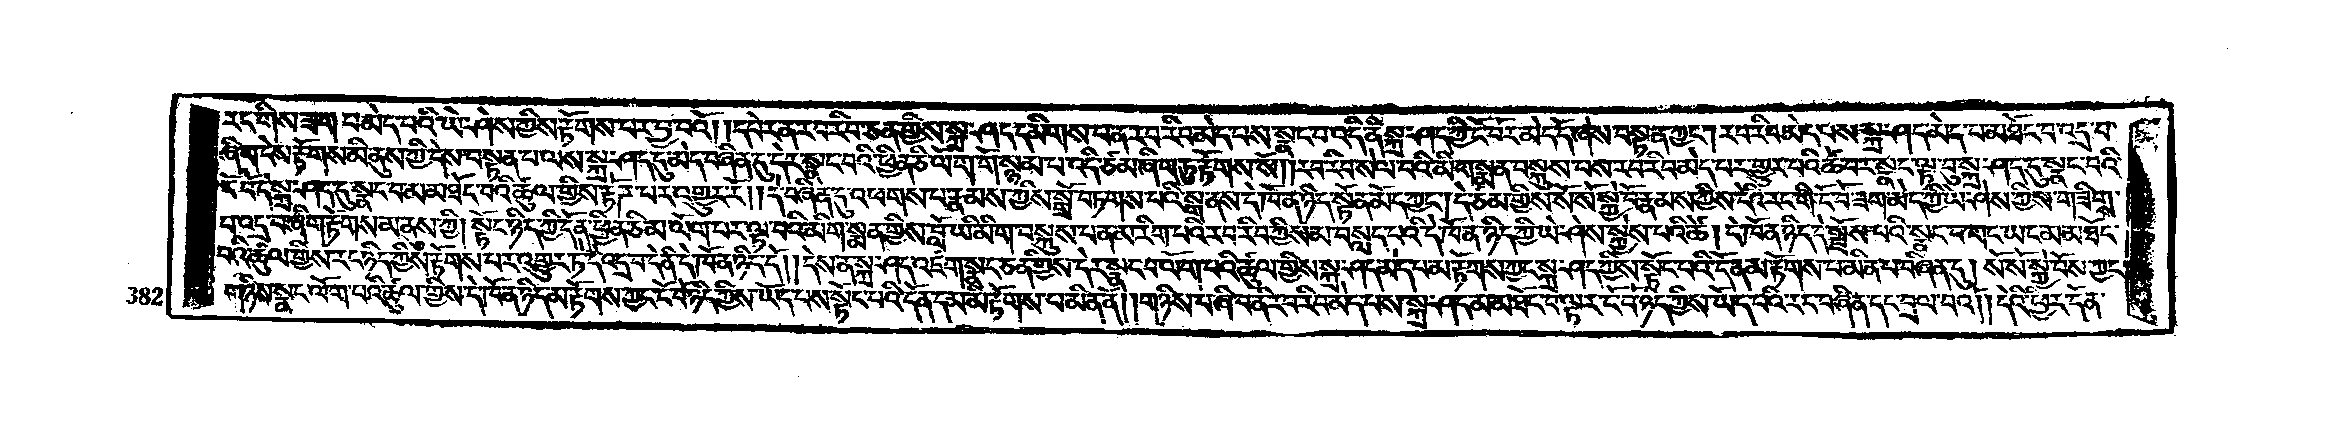རང་གིས་ཟག་པ་མེད་པའི་ཡེ་ཤེས་ཀྱིས་རྟོགས་པར་བྱ་བའོ། །དཔེར་ན་རབ་རིབ་ཅན་གྱིས་སྐྲ་ཤད་དམིགས་པ་ན་རབ་རིབ་མེད་པས་སྣང་བ་འདི་ནི་སྐྲ་ཤད་ཀྱི་ངོ་བོར་མེད་དོ་ཞེས་བསྟན་ཀྱང་། རབ་རིབ་མེད་པས་སྐྲ་ཤད་མེད་པ་མཐོང་བ་འདྲ་བ་
ཞིག་དེས་རྟོགས་མི་ནུས་ཀྱི་དེས་བསྟན་པ་ལས་སྐྲ་ཤད་དུ་མེད་བཞིན་དུ་དེར་སྣང་བའི་ཕྱིར་ཅི་ལོག་གོ་སྙམ་པ་འདི་ཙམ་ཞིག་ཏུ་རྟོགས་སོ། །རབ་རིབ་སེལ་བའི་མིག་སྨན་བསྐུས་པས་རབ་རིབ་མེད་པར་གྱུར་པའི་ཚེ་བར་སྣང་ལྟ་བུ་སྐྲ་ཤད་དུ་སྣང་བའི་
ངོ་བོ་དེ་སྐྲ་ཤད་དུ་སྣང་བ་མ་མཐོང་བའི་ཚུལ་གྱིས་རྟོཌ་པར་འགྱུར་རོ། །དེ་བཞིན་དུ་འཕགས་པ་རྣམས་ཀྱིས་སྒྲོ་བཏགས་པའི་སྒྲ་ནས་དེ་ཁོ་ན་ཉིད་སྟོན་མོད་ཀྱང་། དེ་ཙམ་གྱིས་སོ་སོ་སྐྱེ་བོ་རྣམས་ཀྱིས་དེའི་རང་གི་ངོ་བོ་ཟག་མེད་ཀྱི་ཡེ་ཤེས་ཀྱིས་གཟིགས་
པ་འདྲ་བ་ཞིག་རྟོགས་མ་ནུས་ཀྱི། སྟོང་ཉིད་ཀྱི་དོན་ཕྱིན་ཅི་མ་ལོག་པར་ལྟ་བའི་མིག་སྨན་གྱིས་བློ་ཡི་མིག་བསྐུས་པ་ན་མ་རིག་པའི་རབ་རིབ་ཀྱིས་མ་བསླད་པའི་དེ་ཁོ་ན་ཉིད་ཀྱི་ཡེ་ཤེས་སྐྱེས་པའི་ཚེ། དེ་ཁོ་ན་ཉིད་དེ་སྤྲོས་པའི་སྣང་བ་གང་ཡང་མ་མཐོང་
བའི་ཚུལ་གྱིས་རང་ཉིད་ཀྱིས་རྟོགས་པར་འགྱུར་ཏེ་དེ་འདྲ་བ་དེ་ནི་དེ་ཁོ་ན་ཉིད་དོ། །དེས་ན་སྐྲ་ཤད་འཛག་སྣང་ཅན་གྱིས་དེར་སྣང་བ་ལོག་པའི་ཚུལ་གྱིས་སྐྲ་ཤད་མེད་པ་མ་རྟོགས་ཀྱང་སྐྲ་ཤད་ཀྱིས་སྟོང་པའི་དོན་མ་རྟོགས་པ་མིན་པ་བཞིན་དུ། སོ་སོ་སྐྱེ་བོས་ཀྱང་
གཉིས་སྣང་ལོག་པའི་ཚུལ་གྱིས་དེ་ཁོ་ན་ཉིད་མ་རྟོགས་ཀྱང་ངོ་བོ་ཉིད་ཀྱིས་ཡོད་པས་སྟོང་པའི་དོན་དམ་མི་རྟོགས་པ་མིན་ནོ། །གཉིས་པ་ཞི་བ་ནི་རབ་རིབ་མེད་པས་སྐྲ་ཤད་མ་མཐོང་བ་ལྟར་ངོ་བོ་ཉིད་ཀྱིས་ཡོད་པའི་རང་བཞིན་དང་བྲལ་བའོ། །དེའི་ཕྱིར་དོན་